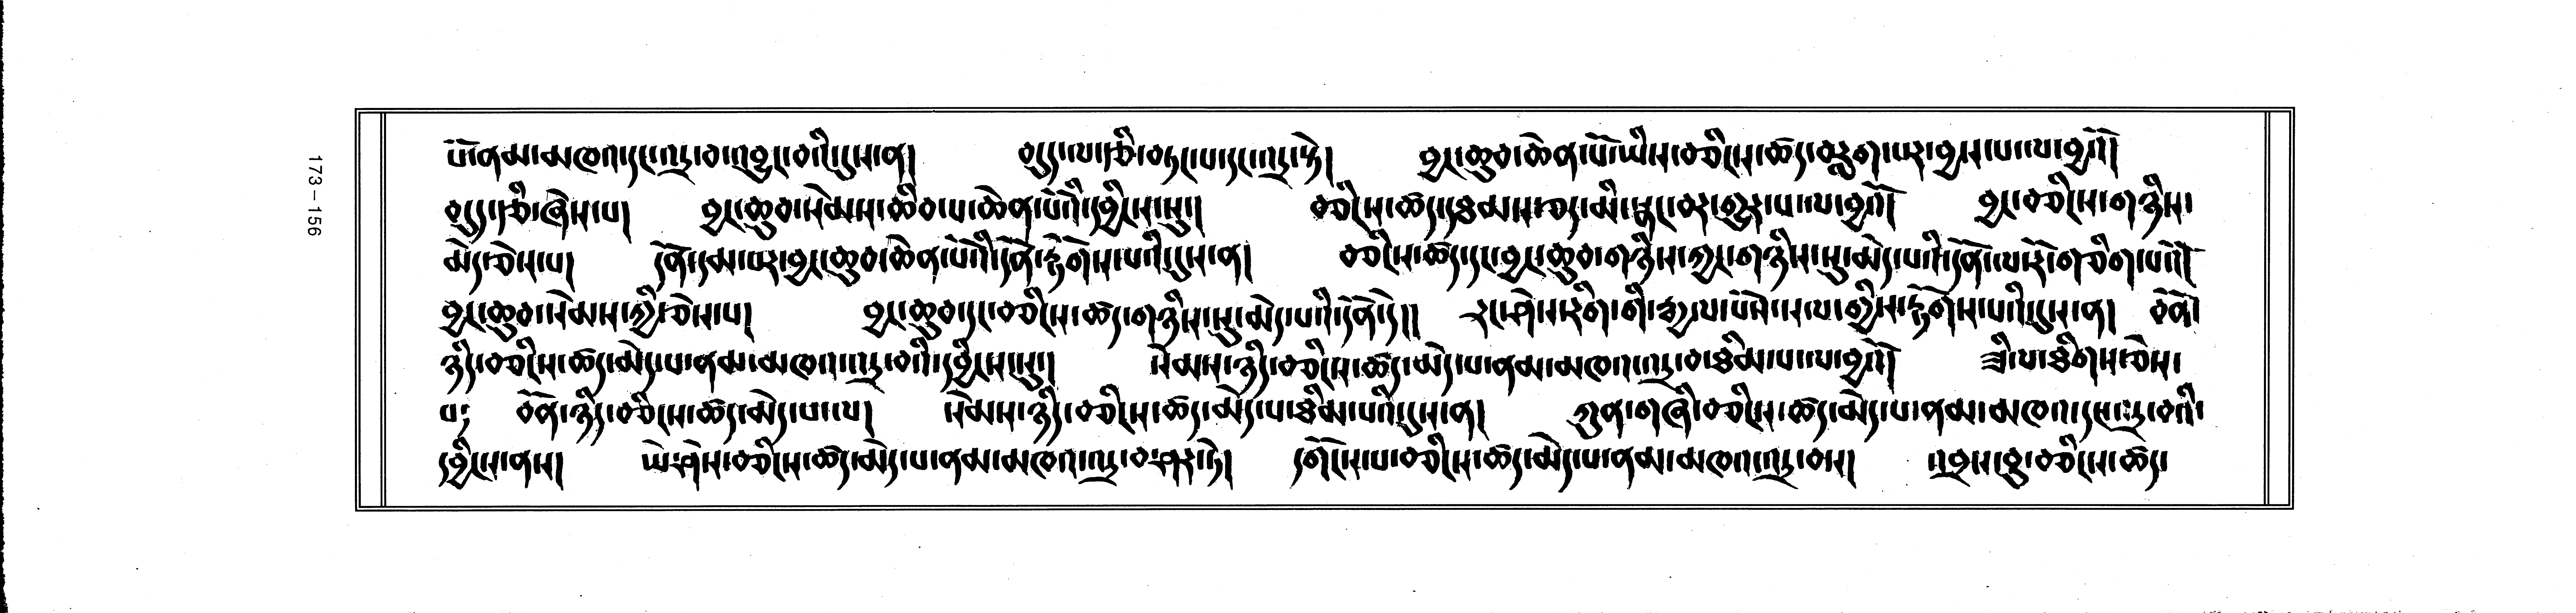པོ་ནམ་མཁའ་དང་འདྲ་བ་འབྱུང་བའི་དུས་ན། བདུད་ལ་རྩི་བཏང་བ་དང་འདྲ་སྟེ། བྱང་ཆུབ་ཆེན་པོ་ཡིས་བཅིངས་ཚད་བརླག་པར་བྱས་པ་ལ་བྱའོ། །
བདུད་རྩི་ཞེས་པ། བྱང་ཆུབ་སེམས་ཆིབས་པ་ཆེན་པོའི་དབྱིངས་སུ། བཅིངས་ཚད་ཐམས་ཅད་མི་སྣང་བར་བྱས་པ་ལ་བྱའོ། །བྱང་བཅིངས་གཉིས་
མེད་ཅེས་པ། དོན་དམ་པར་བྱང་ཆུབ་ཆེན་པོའི་དོན་རྟོགས་པའི་དུས་ན། བཅིངས་ཚད་དང་བྱང་ཆུབ་གཉིས་ཀྱང་གཉིས་སུ་མེད་པའི་དོན་ལ་རོ་གཅིག་པའོ། །
བྱང་ཆུབ་སེམས་ཀྱི་ཅེས་པ། བྱང་ཆུབ་དང་བཅིངས་ཚད་གཉིས་སུ་མེད་པའི་དོན་དེ། རང་ཤེས་རིག་གི་རྒྱལ་པོས་སལ་གྱིས་རྟོགས་པའི་དུས་ན། བོན་
ཉིད་བཅིངས་ཚད་མེད་པ་ནམ་མཁའ་དང་འདྲ་བའི་དབྱིངས་སུ། སེམས་ཉིད་བཅིངས་ཚད་མེད་པ་ནམ་མཁའ་དང་འདྲ་བ་ཐིམ་པ་ལ་བྱའོ། །ཟིལ་ཐིགས་ཅེས་
པ། བོན་ཉིད་བཅིངས་ཚད་མེད་པ་ལ། སེམས་ཉིད་བཅིངས་ཚད་མེད་པ་ཐིམ་པའི་དུས་ན། ཀུན་གཞི་བཅིངས་ཚད་མེད་པ་ནམ་མཁའ་དང་འདྲ་བའི་
དབྱིངས་ནས། ཡེ་ཤེས་བཅིངས་ཚད་མེད་པ་ནམ་མཁའ་དང་འདྲ་བ་ཤར་ཏེ། དགོངས་པ་བཅིངས་ཚད་མེད་པ་ནམ་མཁའ་དང་འདྲ་བས། འབྲས་བུ་བཅིངས་ཚད་